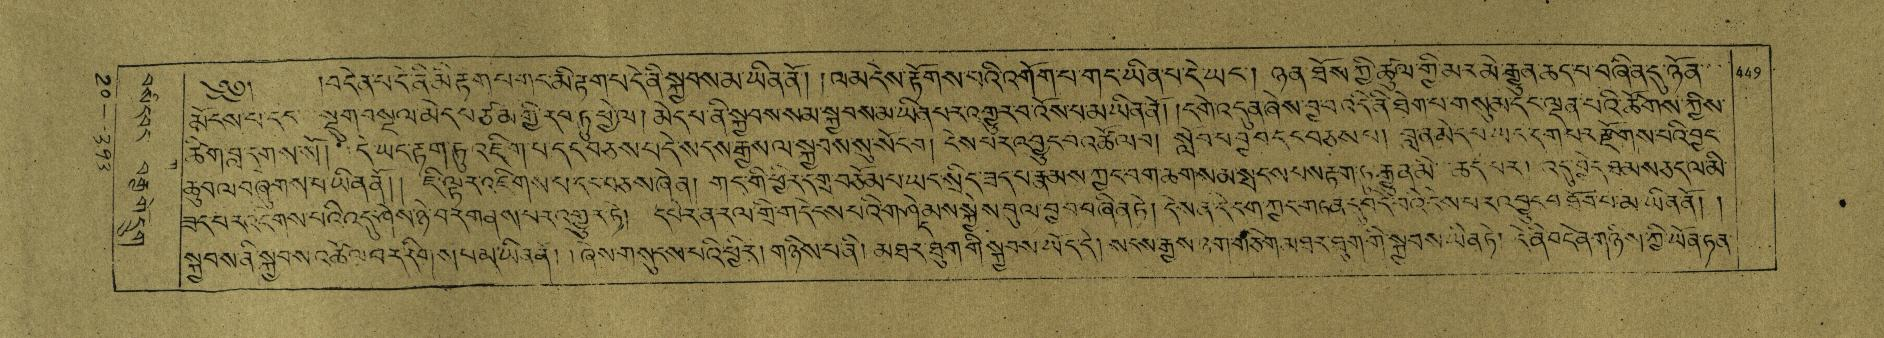༄༅། །བདེན་པ་དེ་ནི་མི་རྟག་པ་གང་མི་རྟག་པ་དེ་ནི་སྐྱབས་མ་ཡིན་ནོ། །ལམ་དེས་རྟོགས་པའི་འགོག་པ་གང་ཡིན་པ་དེ་ཡང་། ཉན་ཐོས་ཀྱི་ཚུལ་གྱི་མར་མེ་རྒྱུན་ཆད་པ་བཞིན་དུ་ཉོན་
མོངས་པ་དང་སྡུག་བསྔལ་མེད་པ་ཙམ་གྱི་རབ་ཏུ་ཕྱེ་ལ། མེད་པ་ནི་སྐྱབས་སམ་སྐྱབས་མ་ཡིན་པར་འགྱུར་བ་འོས་པ་མ་ཡིན་ནོ། །དགེ་འདུན་ཞེས་བྱ་བ་འདི་ནི་ཐེག་པ་གསུམ་དང་ལྡན་པའི་ཚོགས་ཀྱིས་
ཚིག་བླ་དྭགས་སོ། །དེ་ཡང་རྟག་ཏུ་འཇིག་པ་དང་བཅས་པ་དེ་སངས་རྒྱས་ལ་སྐྱབས་སུ་སོང་བ། ངེས་པར་འབྱུང་བ་འཚོལ་བ། སློབ་པ་བྱ་བ་དང་བཅས་པ། བླ་ན་མེད་པ་ཡང་དག་པར་རྫོགས་པའི་བྱང་
ཆུབ་ལ་བཞུགས་པ་ཡིན་ནོ། །ཇི་ལྟར་འཇིགས་པ་དང་བཅས་ཞེ་ན། གང་གི་ཕྱིར་དགྲ་བཅོམ་པ་ཡང་སྲིད་ཟད་པ་རྣམས་ཀྱང་བག་ཆགས་མ་སྤངས་པས་རྟག་ཏུ་རྒྱུན་མི་ཆད་པར། འདུ་བྱེད་ཐམས་ཅད་ལ་མི་
ཟད་པར་འཇིགས་པའི་འདུ་ཤེས་ཉེ་བར་གནས་པར་འགྱུར་ཏེ། དཔེར་ན་རལ་གྲི་གདེངས་པའི་གཤེད་མས་སྐྱེས་བུ་ལ་བྱ་བ་བཞིན་ཏེ། དེས་ན་དེ་དག་ཀྱང་གཏན་དུ་བདེ་བའི་ངེས་པར་འབྱུང་བ་ཐོབ་པ་མ་ཡིན་ནོ། །
སྐྱབས་ནི་སྐྱབས་འཚོལ་བར་རིགས་པ་མ་ཡིན་ནོ། །ཞེས་གསུངས་པའི་ཕྱིར། གཉིས་པ་ནི། མཐར་ཐུག་གི་སྐྱབས་ཡོད་དེ། སངས་རྒྱས་ཉག་གཅིག་མཐར་ཐུག་གི་སྐྱབས་ཡིན་ཏེ། དེ་ནི་བདེན་གཉིས་ཀྱི་ཡོན་ཏན་